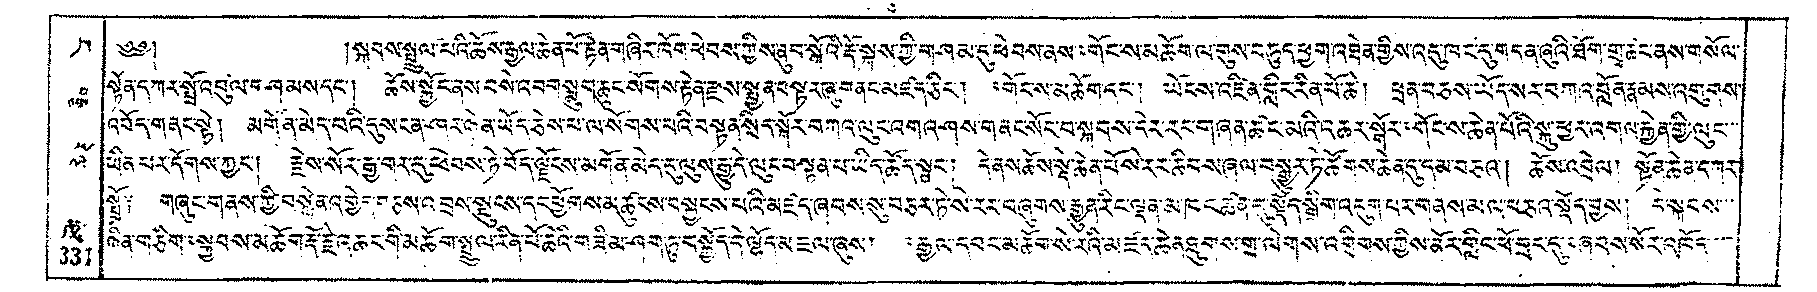༄༅། །སྐབས་སྤྲུལ་པའི་ཆོས་རྒྱལ་ཆེན་པོ་རྟེན་གཞིར་ཁོག་ཕེབས་ཀྱིས་ནུབ་སྒོའི་རྡོ་སྐས་ཀྱི་གཤམ་དུ་ཕེབས་ནས ༧གོང་ས་མཆོག་ལ་གུས་བཏུད་ཕྱག་འཐེན་གྱིས་འདུ་ཁང་དུ་གདན་ཞུའི་ཐོག་གྲྭ་ཚང་ནས་གསོལ་
སྟོན་དཀར་སྤྲོ་འབུལ་བཤམས་དང་། ཆོས་སྐྱོང་ནས་བསེ་འབབ་སྨུག་ཆུང་སོགས་རྟེན་རྫས་སྤྱན་བསྟར་ཞུ་གནང་མཛད་ཅིང་། ༧གོང་ས་མཆོག་དང་། ཡོངས་འཛིན་གླིང་རིན་པོ་ཆེ། ཕྲན་བཅས་ཡོད་སར་བཀའ་བློན་རྣམས་འགུགས་
འབོད་གནང་སྟེ། མགོན་མེད་པའི་དུས་ངན་ཤར་ཉེན་ཡོད་ཅེས་པ་ལ་སོགས་པའི་བསྟན་སྲིད་སྐོར་བཀའ་ལུང་འགའ་ཤས་གནང་སོང་བ་སྐབས་དེར་རང་གཞན་ཚང་མའི་འཆར་སྒོར ༧གོང་ས་ཆེན་པོའི་སྐུ་ཕྱར་འགལ་རྐྱེན་གྱི་ལུང་
ཡིན་པར་དོགས་ཀྱང་། རྗེས་སོར་རྒྱ་གར་དུ་ཕེབས་ཏེབོད་ལྗོངས་མགོན་མེད་དུ་ལུས་རྒྱུ་དེ་ལུང་བསྟན་པ་ཡིད་ཚོད་སྣང་། དེ་ནས་ཆོས་སྡེ་ཆེན་པོ་སེ་རར་ཆིབས་ཞལ་བསྒྱུར་ཏེ་ཚོགས་ཆེན་དུ་དམ་བཅའ། ཆོས་འབྲེལ། སྟོན་ཆེན་དཀར་
་སྤྲོ༑ གཞུང་གནས་ཀྱི་བསྙེན་འགྱེད་བཅས་འབྲས་སྤུངས་དང་ཕྱོགས་མཚུངས་བསྐྱངས་པའི་མཛད་ཞབས་སུ་བཅར་ཏེ་སེ་ར་ར་བཞུགས་རྒྱུན་རིང་ལྡན་མ་ཁང་ཚན་དུ་སྡོད་སྒྲིག་འདུག་པར་གནས་མལ་བཅའ་སྡོད་བྱས། དེ་སྐབས་
ཉིན་གཅིག ༧སྐྱབས་མཆོག་རྡོ་རྗེ་འཆང་གིམཆོག་སྤྲུལ་རིན་པོ་ཆེའི་གཟིམ་ཤག་ཏུ་བསྐྱོད་དེ་ལྷོད་མཇལ་ཞུས། ༧རྒྱལ་དབང་མཆོག་སེ་རའི་མཛད་ཆེན་ཐུགས་གྲེ་ལེགས་འགྲིགས་ཀྱིས་ནོར་གླིང་ཕོ་བྲང་དུ ༧ཞབས་སོར་འཁོད་